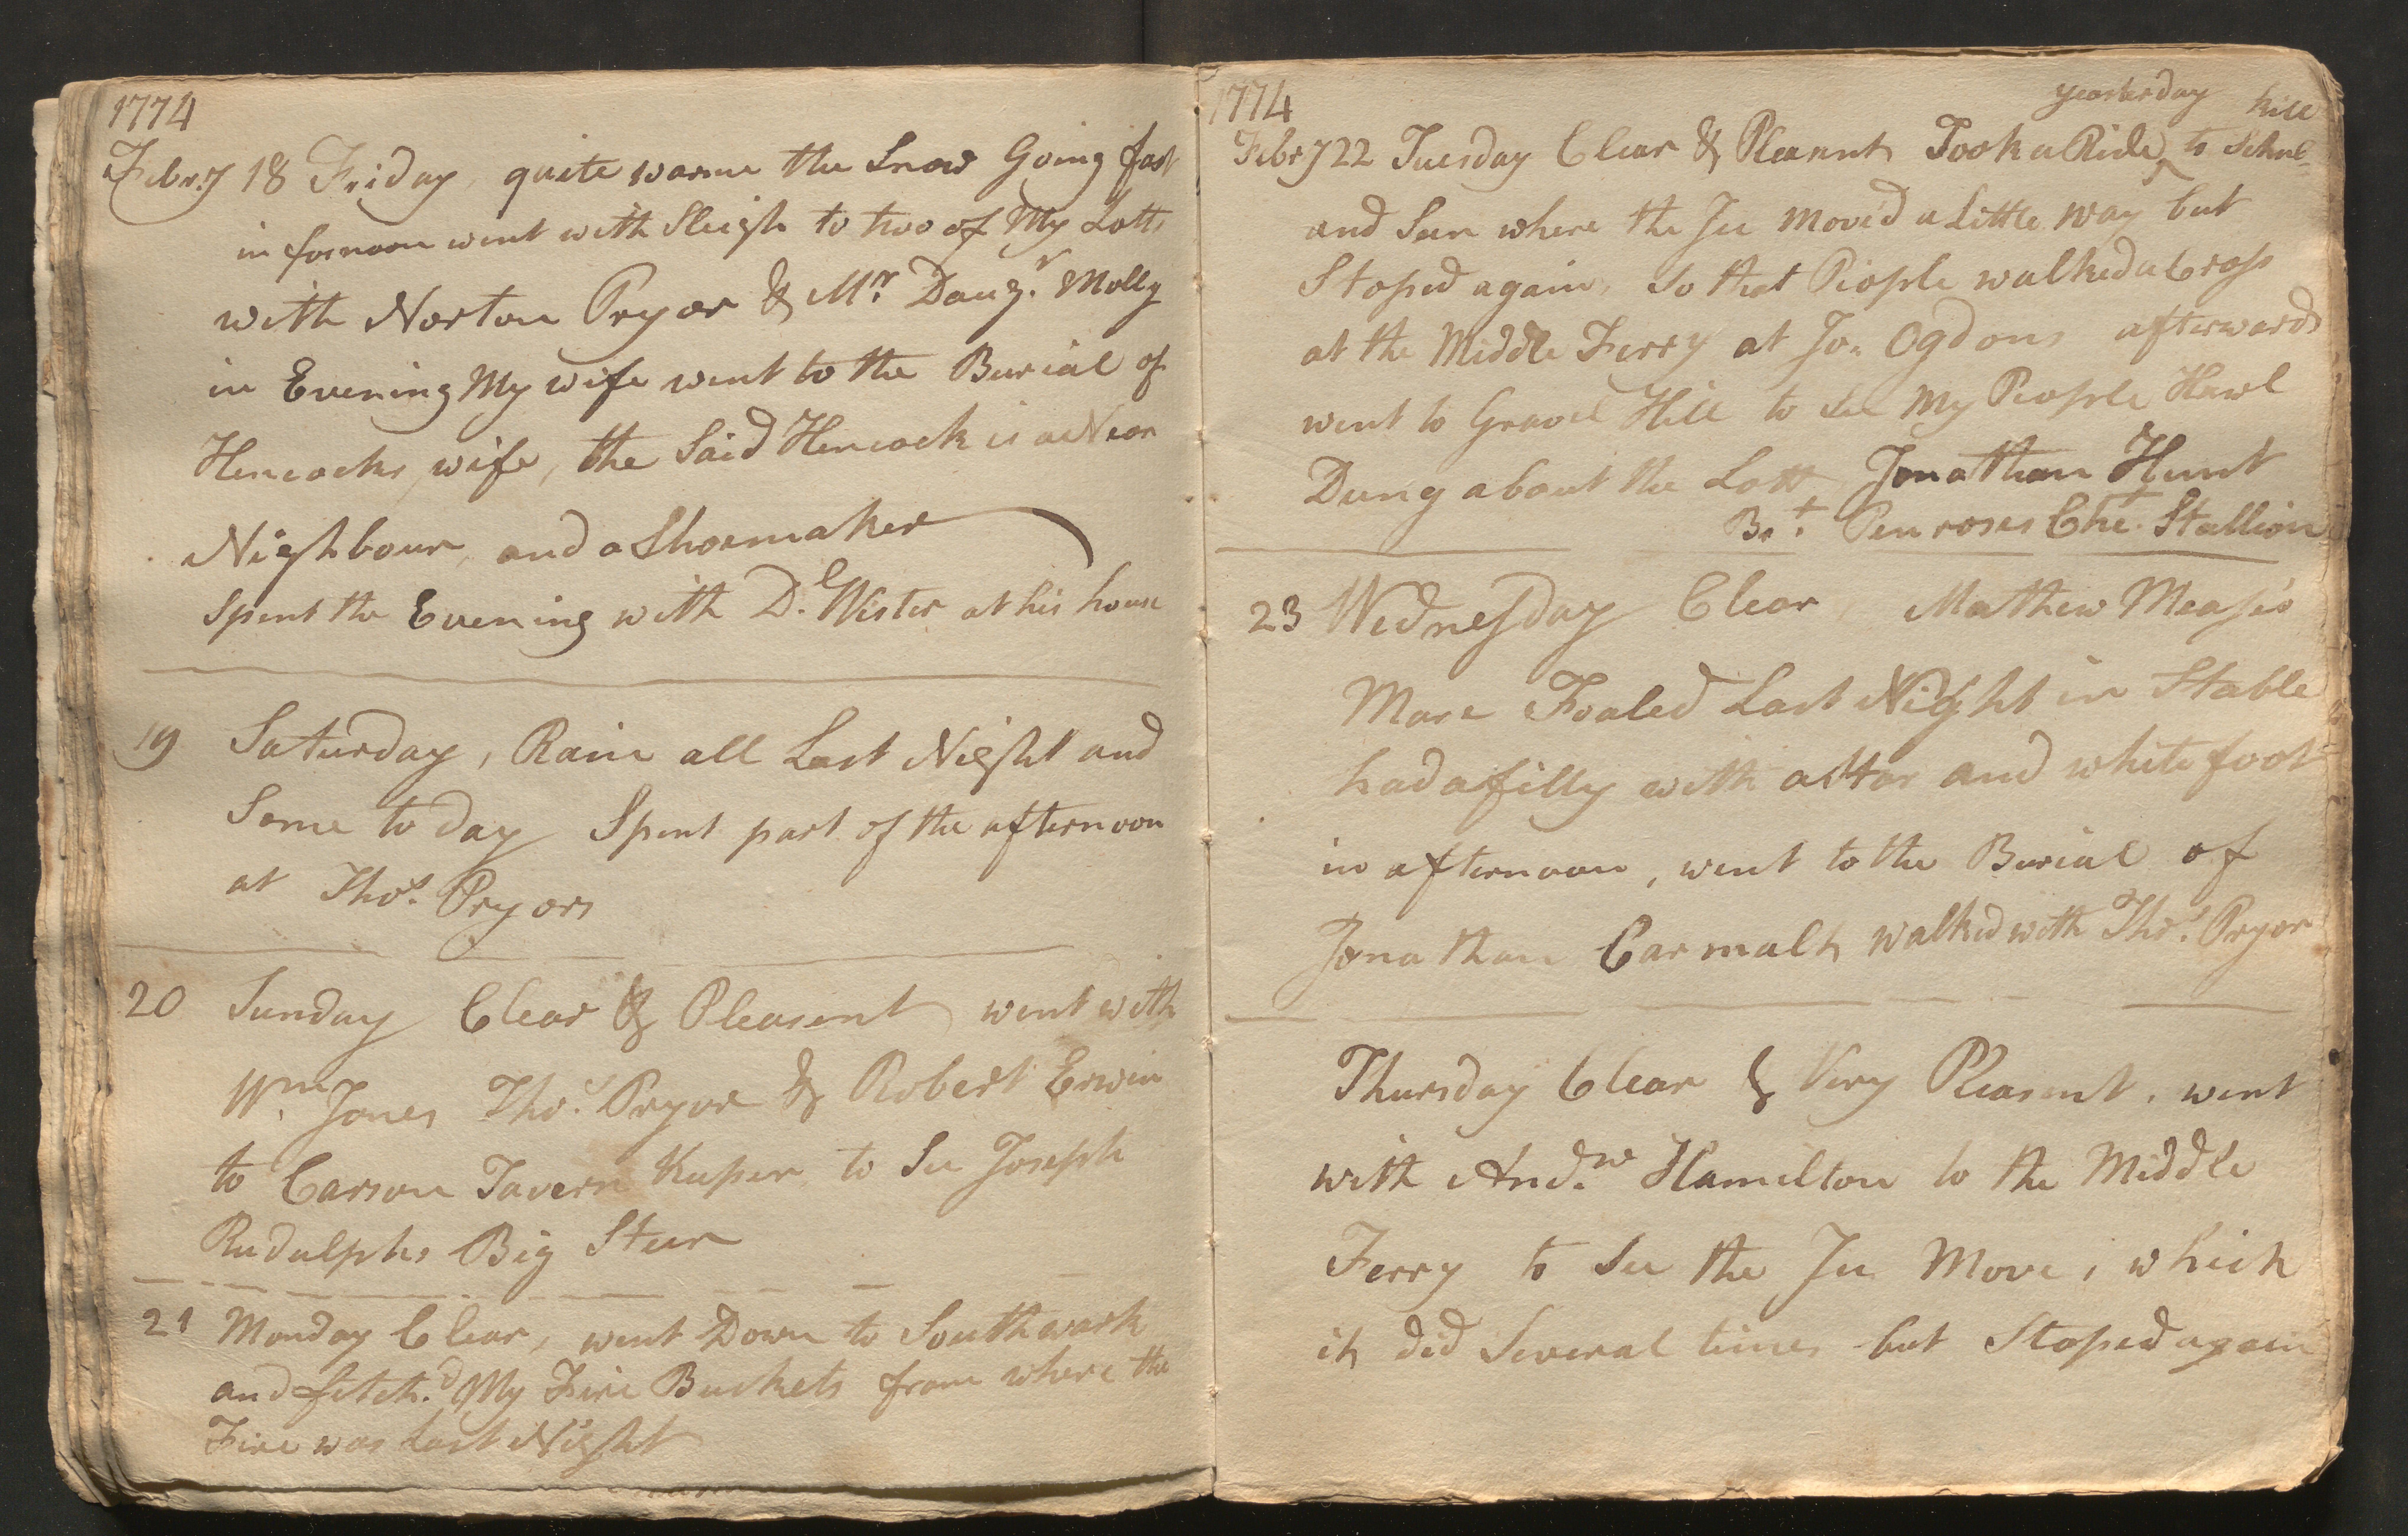1774
Febry 18 Friday quite warme the Snow Going fast
in fornoon went with Sleigh to two of My Lotts
with Norton Pryor & M^r. Daug^r. Molly
in Evening My wife went to the Burial of
Hincocks wife, the Said Hincock is a Near
Nighbour, and a Shoemaker
spent the Evening with D^l. Wister at his house
19 Saturday, Rain all Last Night and
some to day Spent part of the afternoon
at Tho^s. Pryors
20 Sunday, Clear & Pleasent went with
W^m. Jones Tho^s. Pryor & Robert Erwin
to Carson Tavern Keeper to See Joseph
Rudalphs Big Steer
21 Monday Clear, went Down to Southwark
and fetch^d. My Fire Buckets from where the
Fire was Last Night
1774
yeasterday
Febr^y 22 Tuesday Clear & Pleasent Took a Ride ^ to schul-
kill
and Seen where the Ice move'd a Little way but
Stoped again so that People walked a Cross
at the Middle Ferry at Jo. Ogdons afterwards
went to Gravel Hill to see My People Hawl
Dung about the Lott Jonathan Hunt
Br^t. Penroses Che^t. Statlion
23 Wednesday Clear Mathew Meases
Mare Foaled Last Night in Stable
had a filly with aster and white foot
in afternoon, went to the Burial of
tonathar Carmalt walked with Tho^s. Pryor
Thursday Clear Very Pleasent, went
with And^w. Hamilton to the Middle
Ferry to see the Ice Move, which
it did Several times but Stoped again